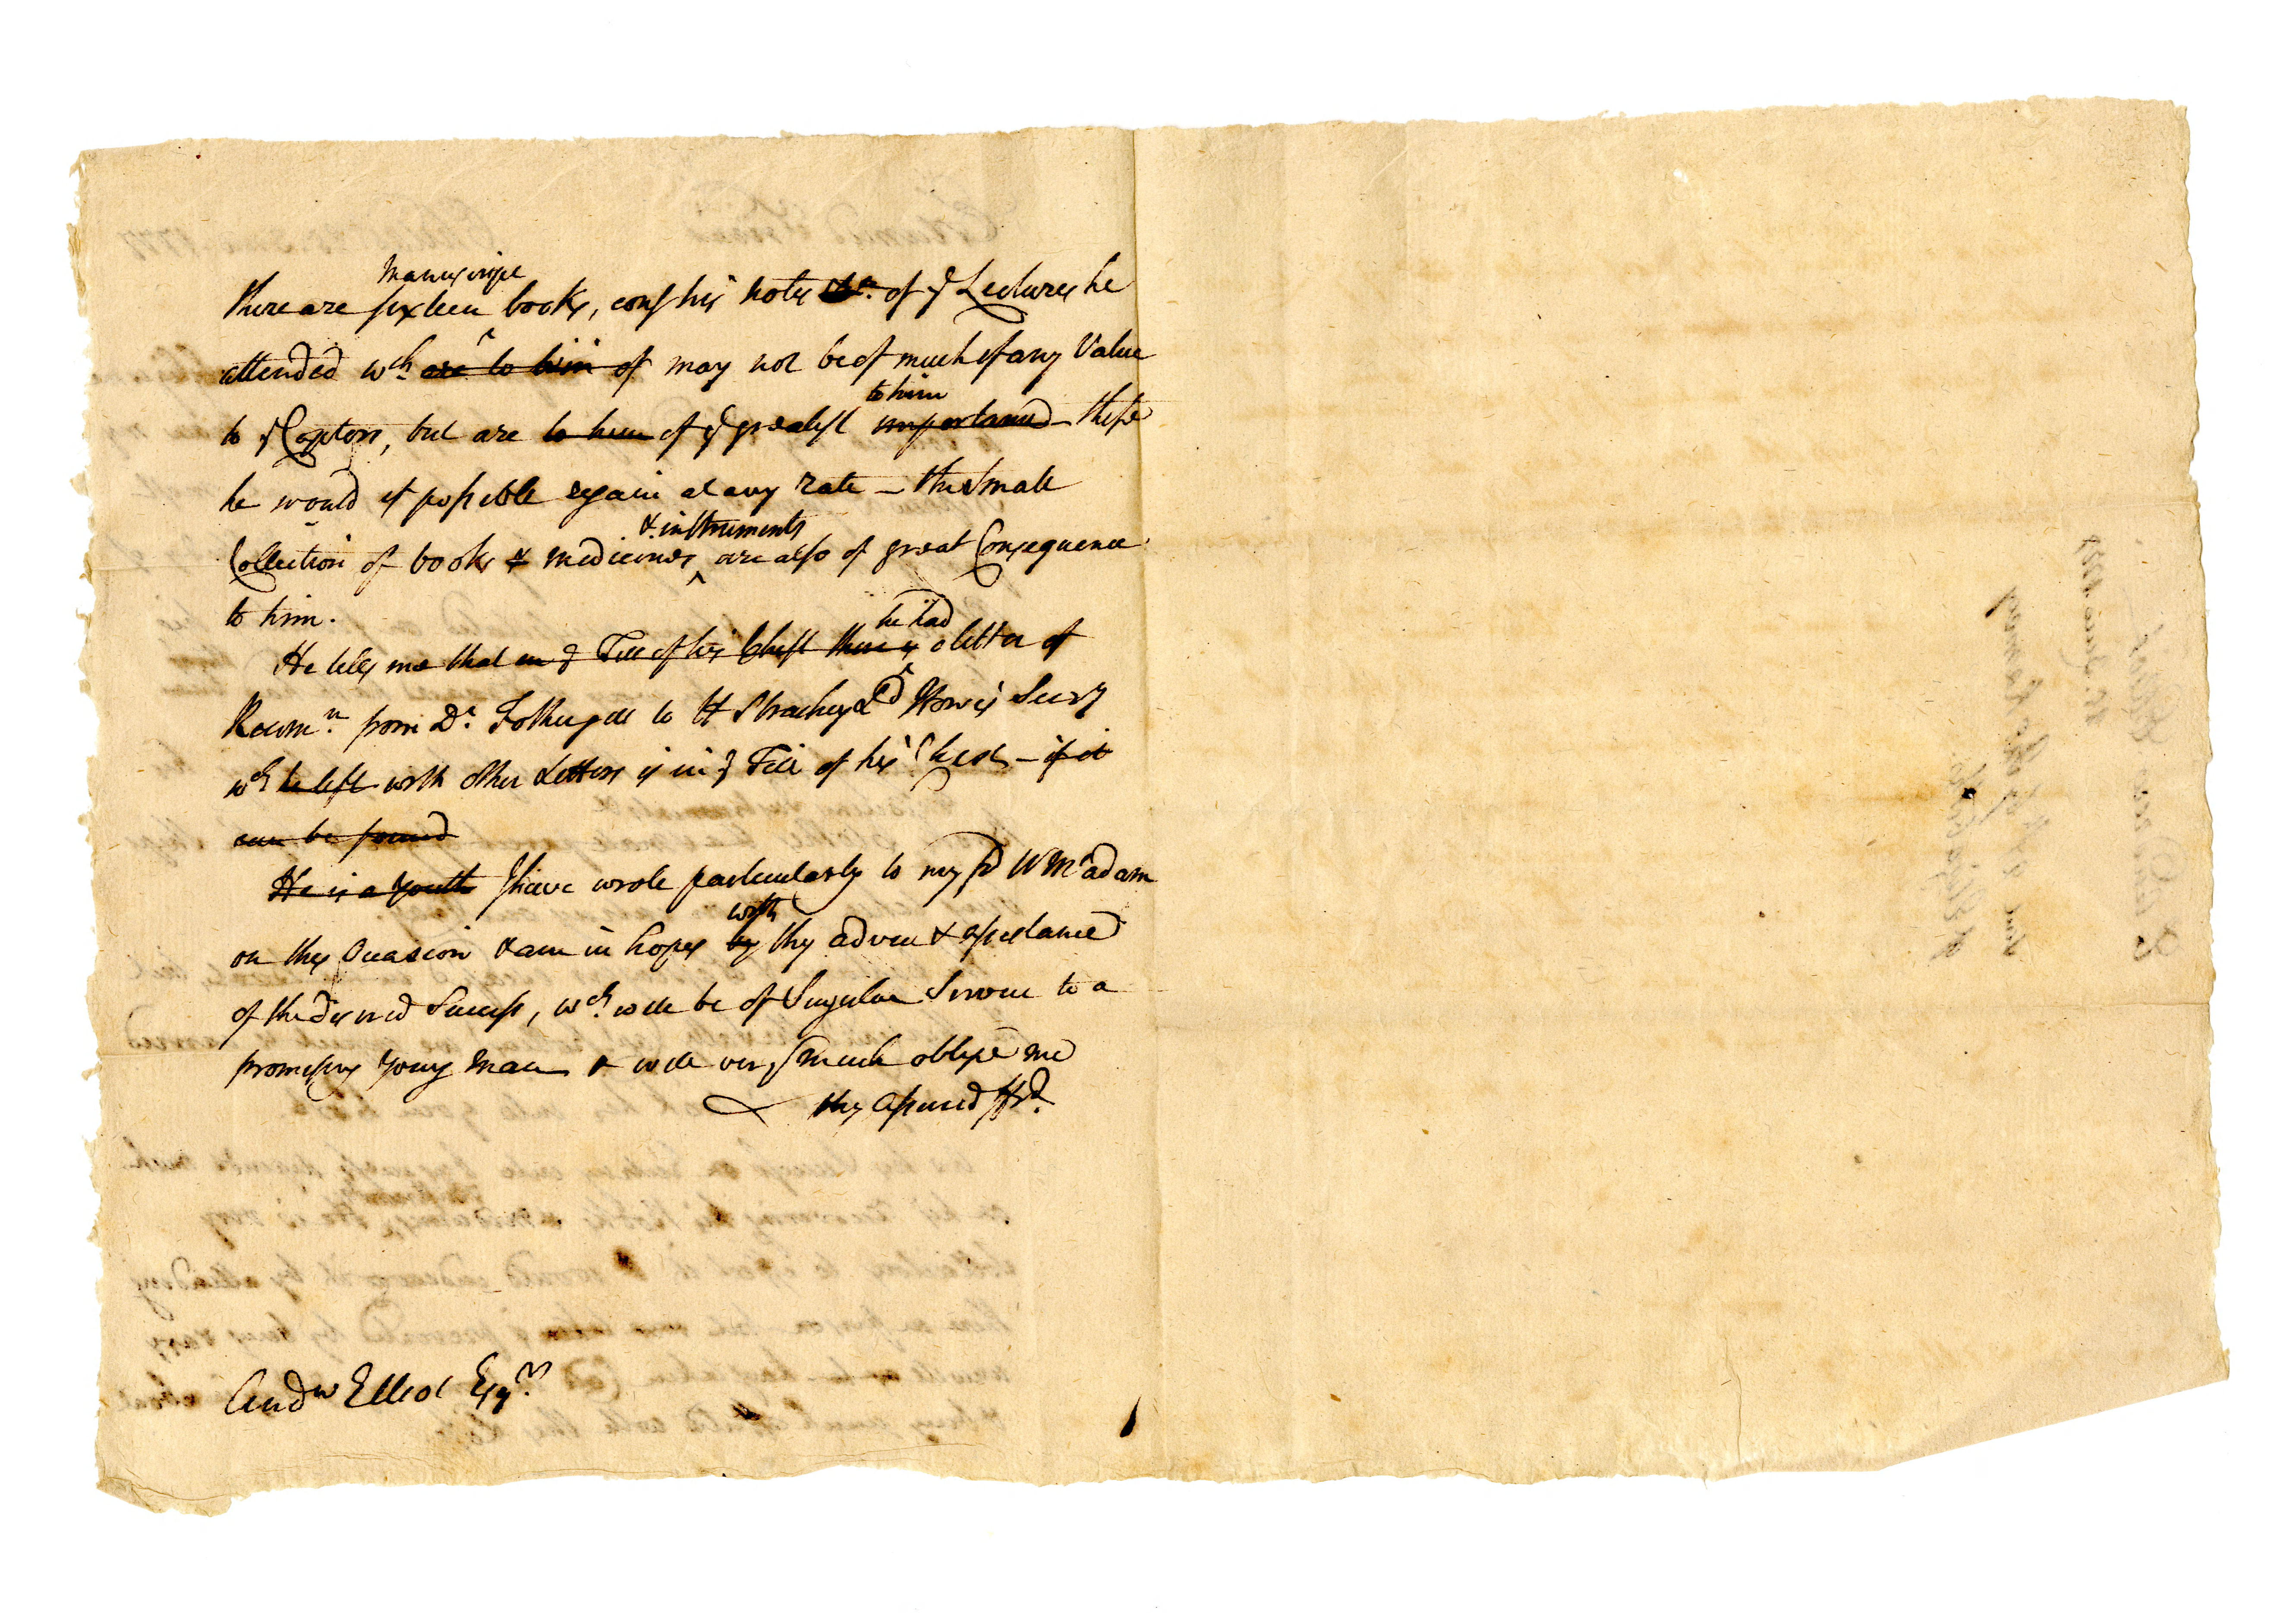manuscript
there are sixteen ^ books, cont his notes [&c^a.] of y^e Lectures he
attended w^ch. [are to him of] may not be of much of any Value
to him
to y^e Captor, but are [to him] of y^e greatest [importance] these
he would if possible regain at any rate- the Small
& instruments
Collection of books & medicines ^ are also of great Consequence
to him.
he had
He tells me that [in y^e Till of his Chest these] a letter of
Recom^n. from D^r. Fothergell to H Strachey L^d Howes' Secr^y
w^ch with other Letters is in y^e Till of his Chest- [if it]
[can be found]
I have wrote particularly to my f^d W M^cadam
with
on the Occasion & am in hopes [by] thy advice & assistance
of the desired success, w^ch. will be of Singular Service to a
promising young man & will very much oblige me
thy assured fr^d.
And^w Elliot Esq^r.